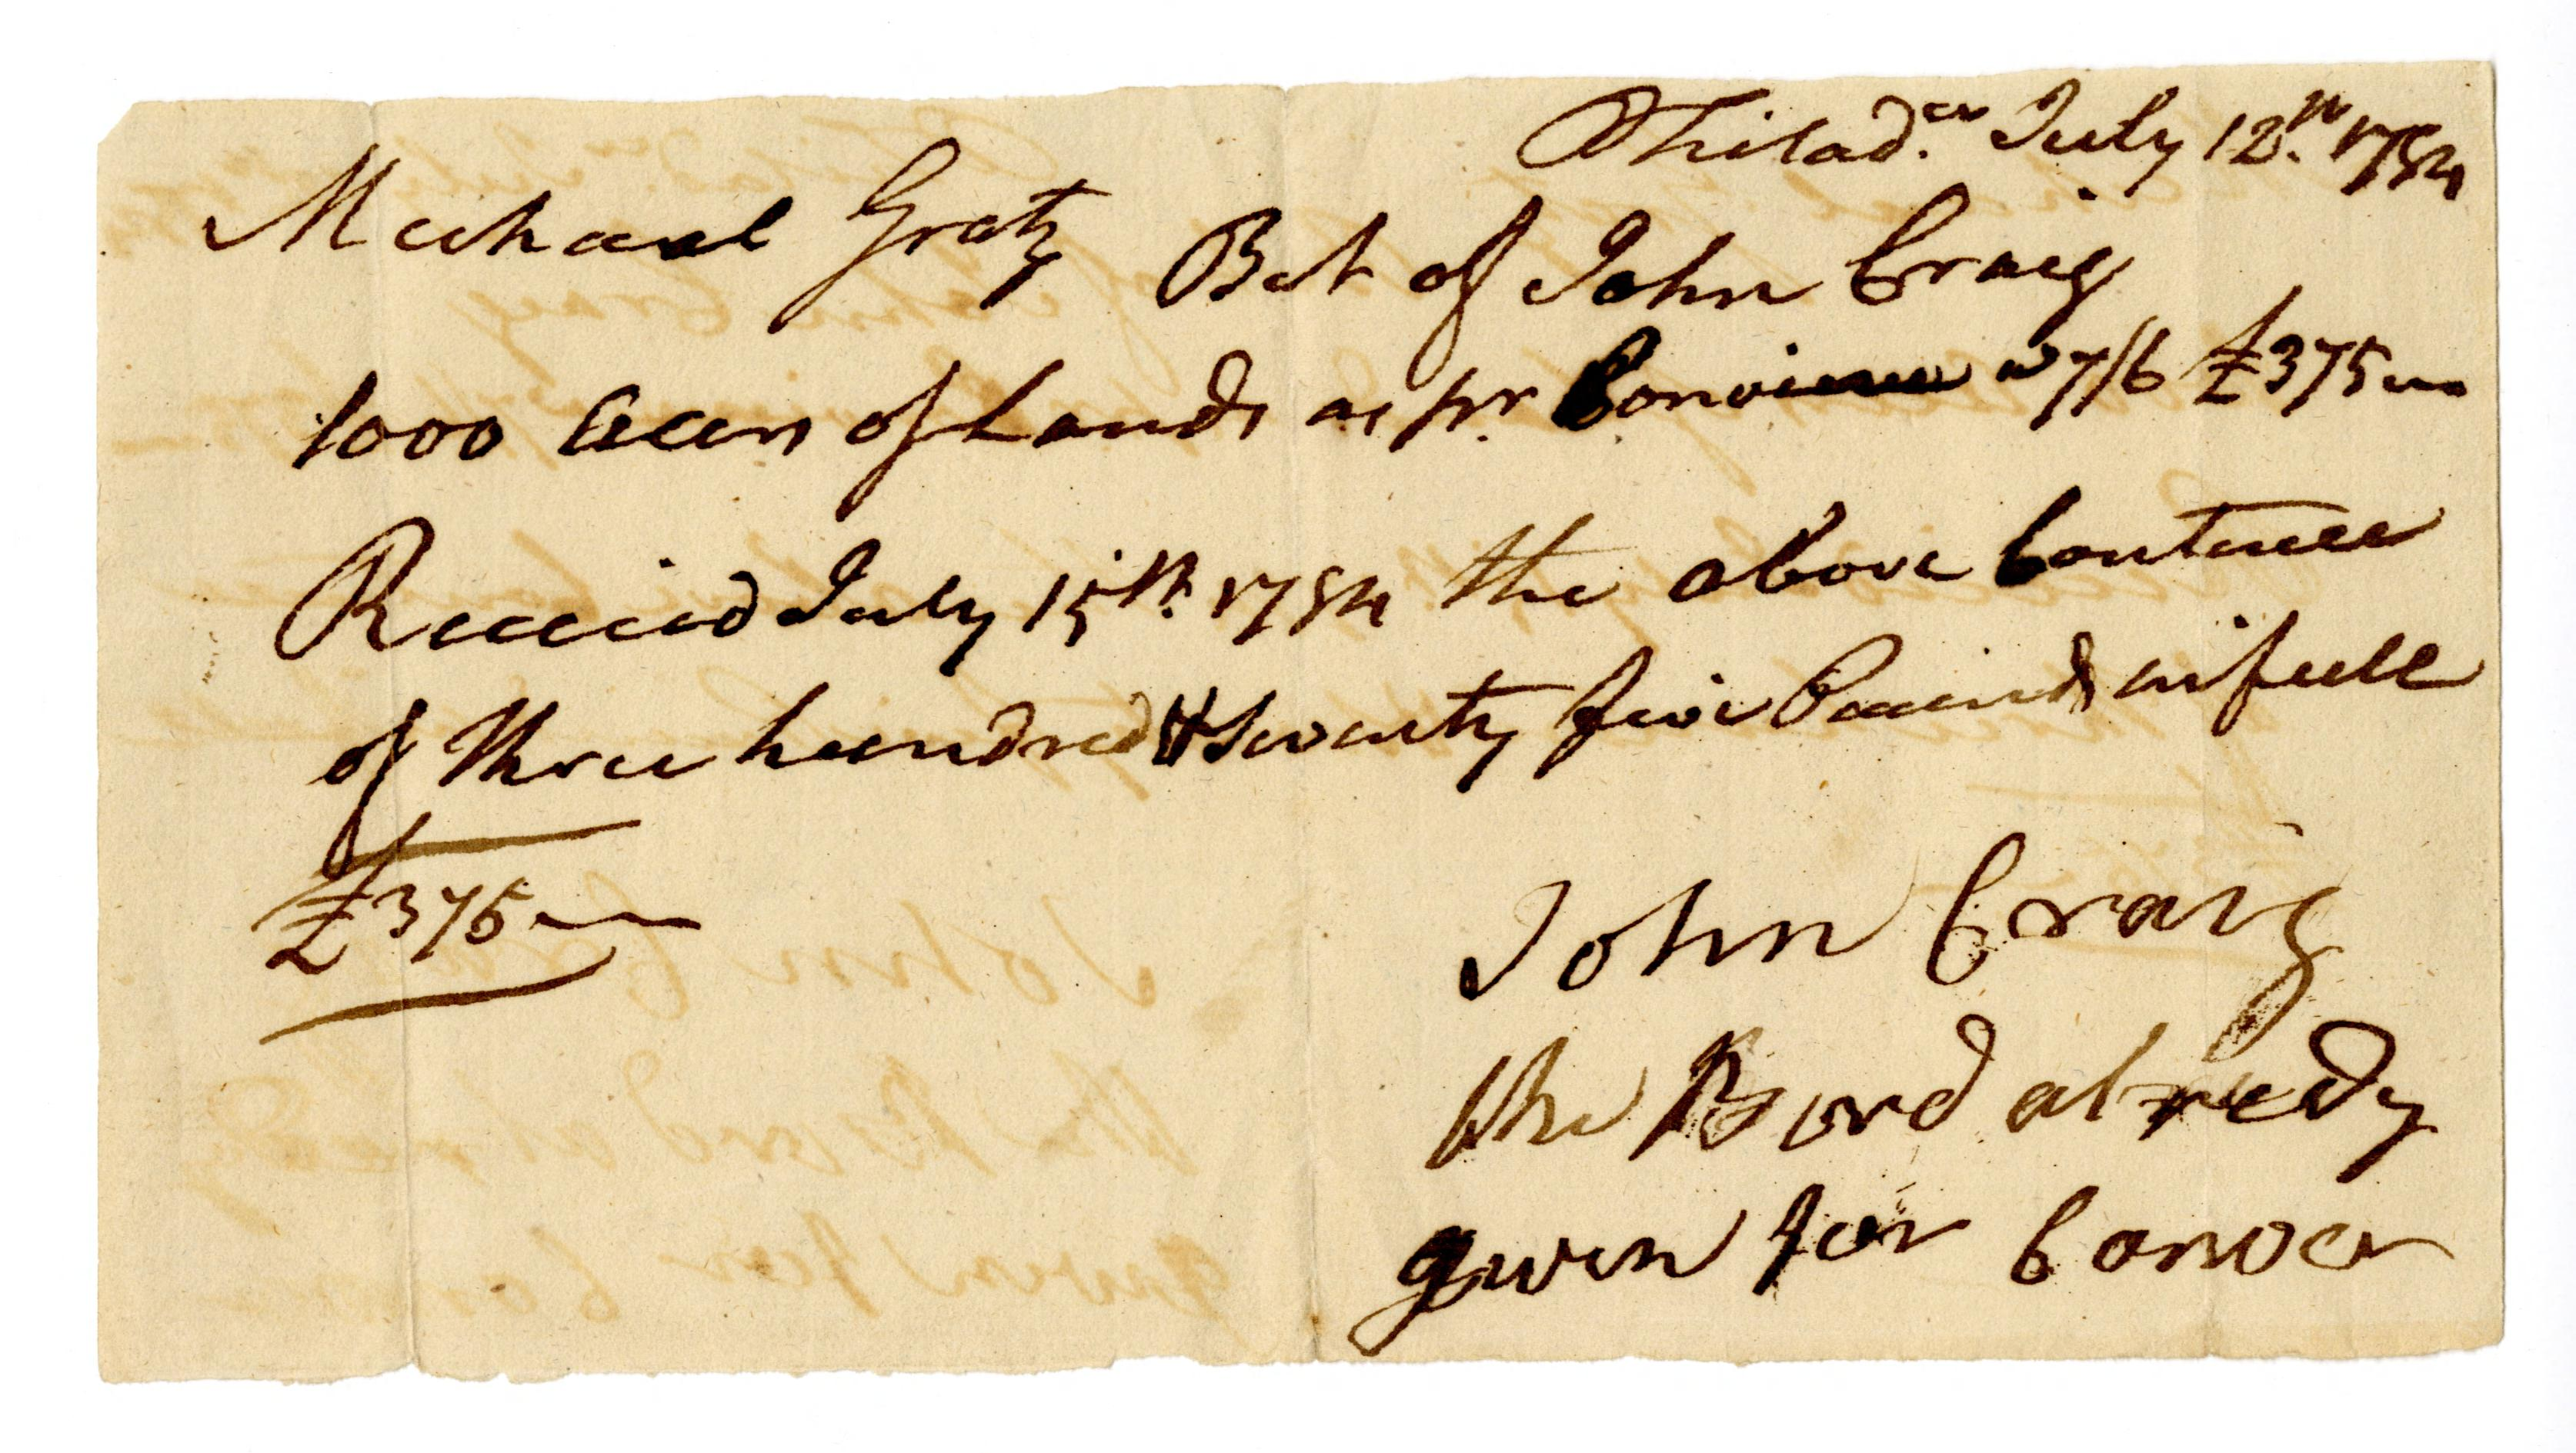Michael Gratz
Bot of John Gray
1000 acres of Lands as p^r Convince 7/6 £375-
Received July 15^th 1784 the above Contace
of three hundred & seventy five pounds in full
£375-
Philad^a. July 12^th. 1784
John Craig
The bond at redy
given for carver